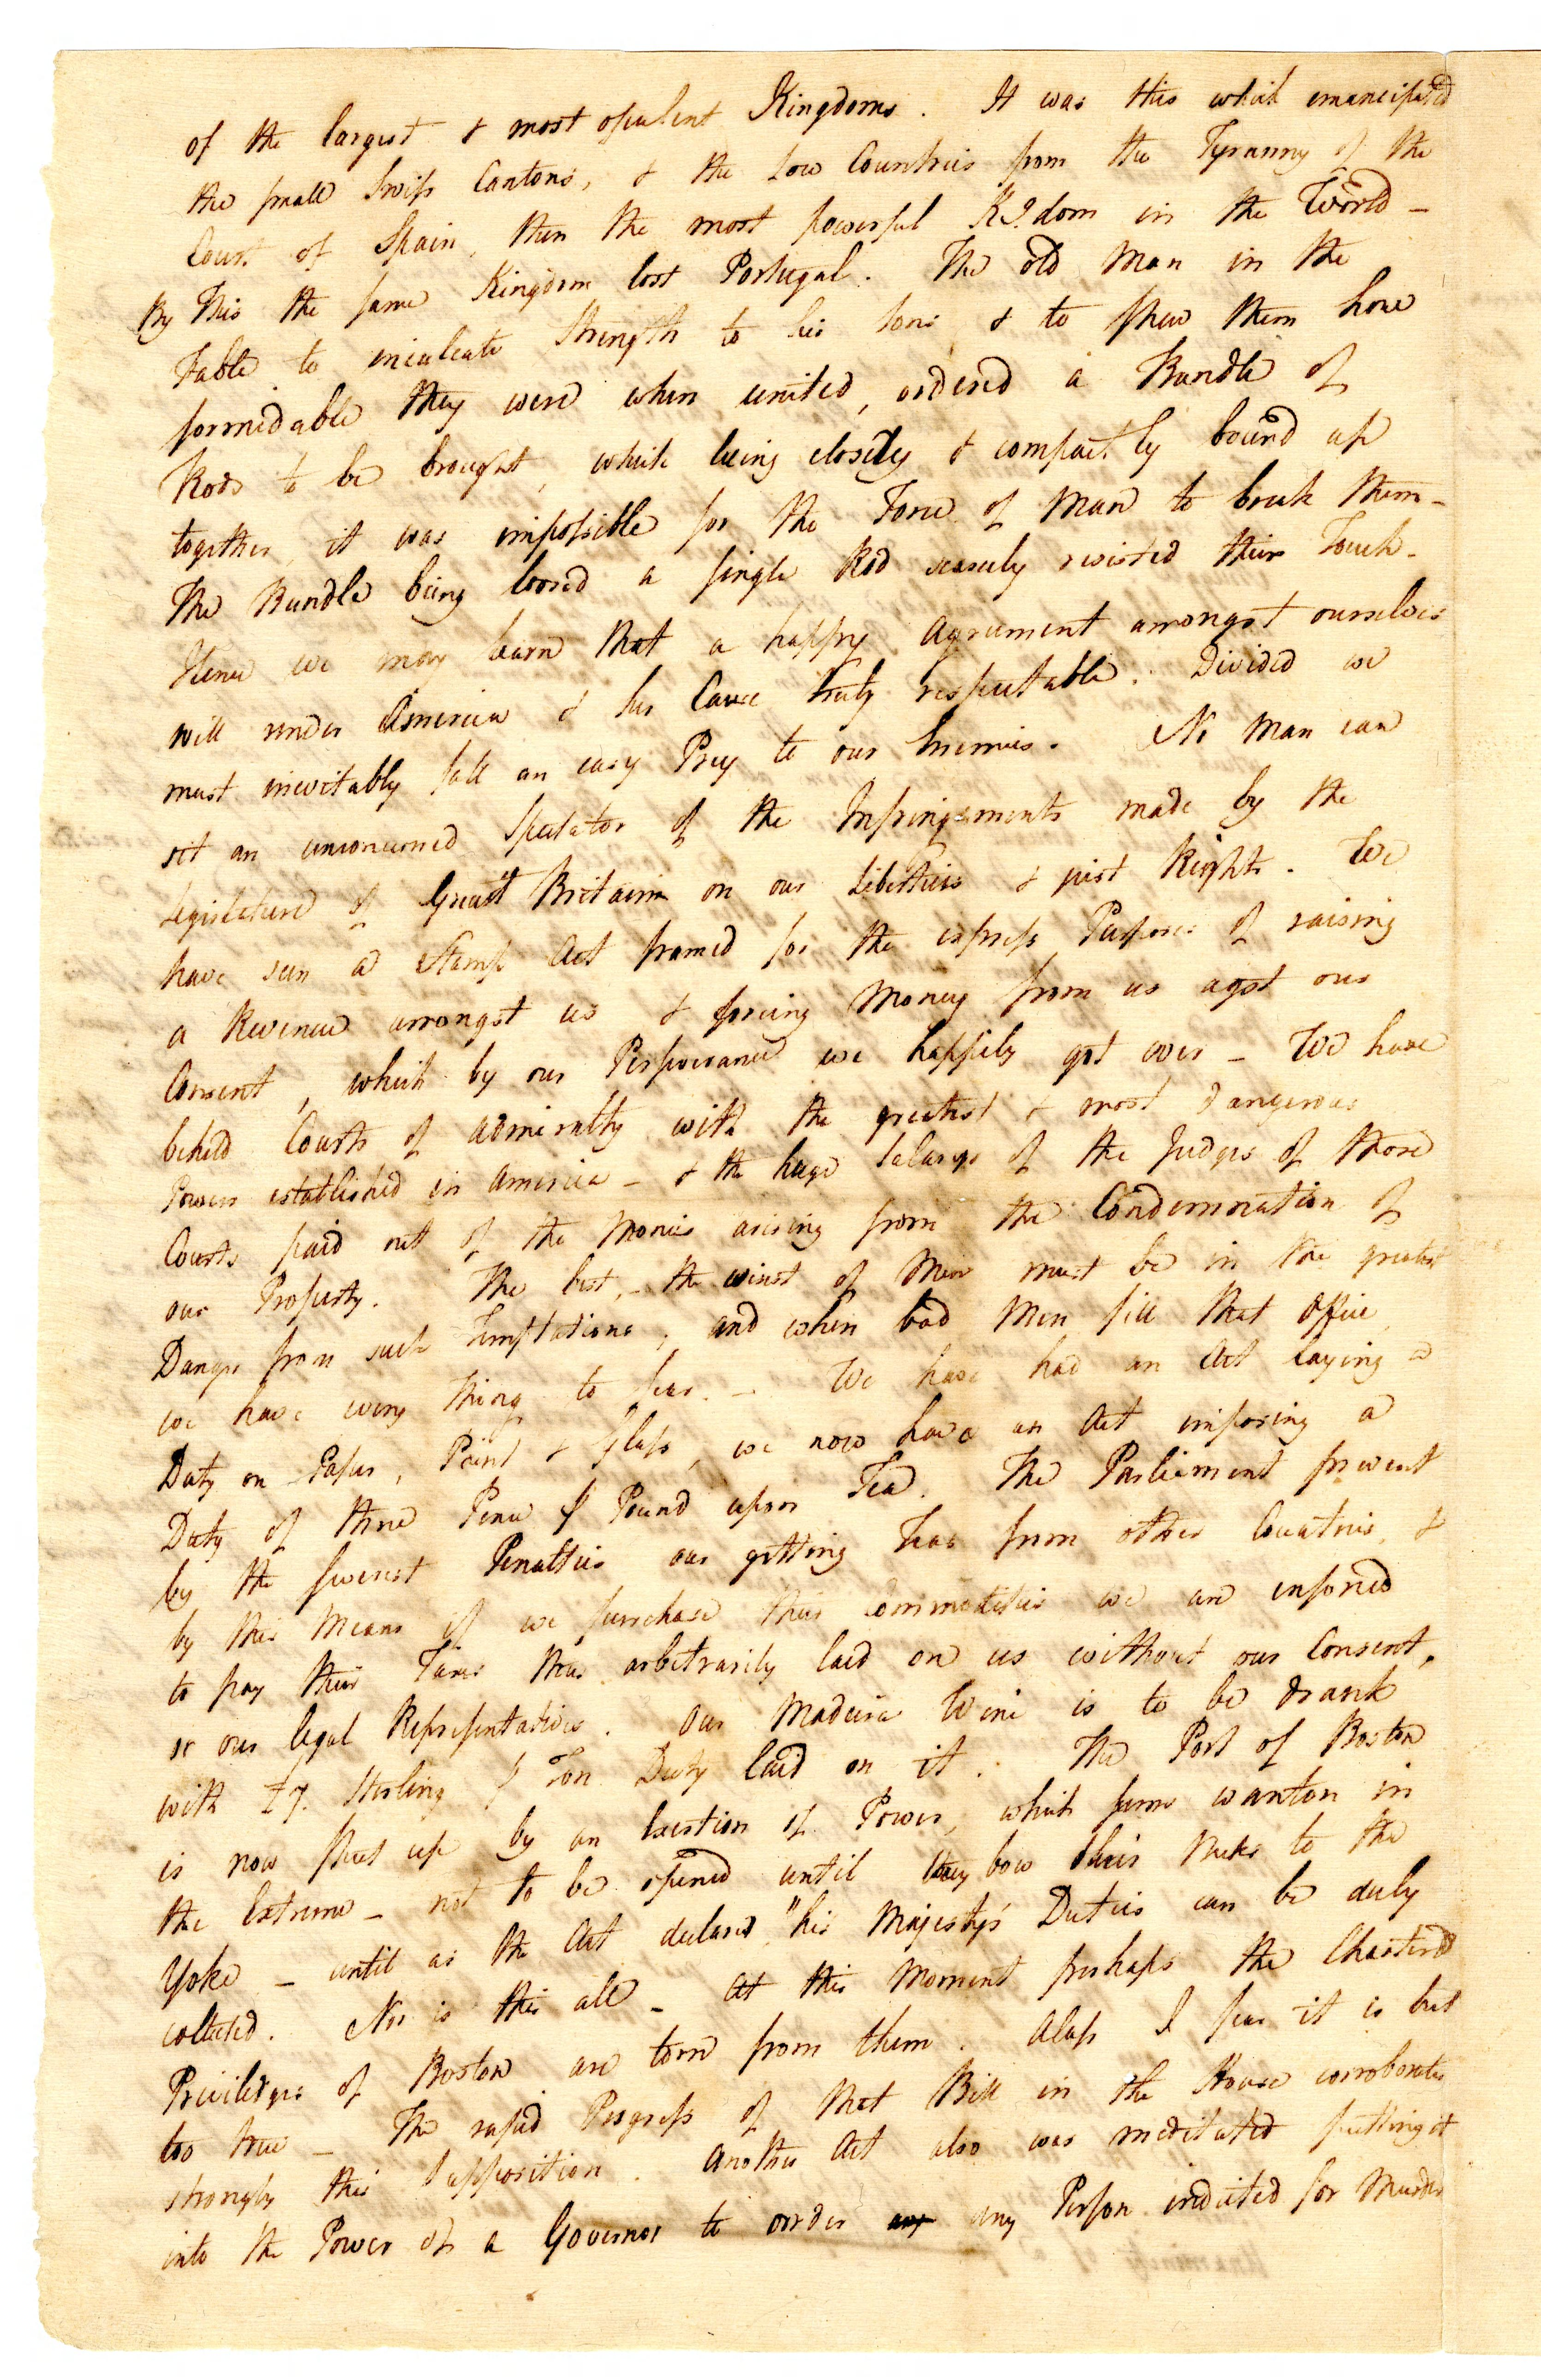of the largest & most opulent Kingdoms. It was this which manifested
the small Swiss Cantons, & the Low Countries from the Tyranny of the
Court of Spain then the most powerful K^g.dom in the World
By This the same Kingdom lost Portugal. The old man in the
fable to inculcate Strength to his Sons & to shew them how
formidable they were when united, ordered a Bundle of
Rods & be brought which being close & compactly bound up
together it was impossible for the Force of Man to break them.
The Bundle being loosed a Single Rod seasuly twisted their Touch.
Hence we may learn that a happy Agreement amongst ourselves
will under America & her Cause truly respectable. Divided we
most inevitably fall an easy Prey to our Enemies. No man can
sit an announced Spectator of the Infringements made by the
Legislature of Great Britain on our Liberties & just Right. We
have seen a Stamp Act framed for the express Purpose & raising
a Revenue amongst us & forcing Money from us agst our
Consent, which by our Perseverance we happily got over. We have
beheld Court & admiralty with the greatest & most dangerous
Powers established in America & the hage Salanya of the Judges of those
Courts paid not of the mores arising from the Condemnation of
our Property. The best, the Wisest of Men must be in the greatest
Danger from such Temptations, and when bad Men fill that Office
we have every Thing to fear. We have had an Act laying a
Duty on Paper, Paint & Glass, we now have an Act imposing a
Duty of three Pence per Pound upon Tea. The Parliament prevent
by the severest Penalties our getting Teas from other Countries &
by the Means if we purchase their commodities we are enforced
to pay their Taxes thus arbitrarily laid on us without our Consent.
or our legal Representatives. Our Madeira Wine is to be drank
with £7 sterIing per Ton Duty laid on it. The Port of Boston
is now shut up by an Exertion of Power, which from wanton in
the Extreme- not to be opened until they bow their necks to the
Yoke- until as the Act declared his Majestys Duties can be duly
collected. Nor is this all- At this Moment perhaps the Charter'd
Priviledge of Boston are torn from them. Alas, I fear it is but
too true. The saped Progress of that Bill in the House corroborates
strongly this Supposition. Another Act also was meditated putting it
into the Power of a Governor to order any any Person indicted for Murder